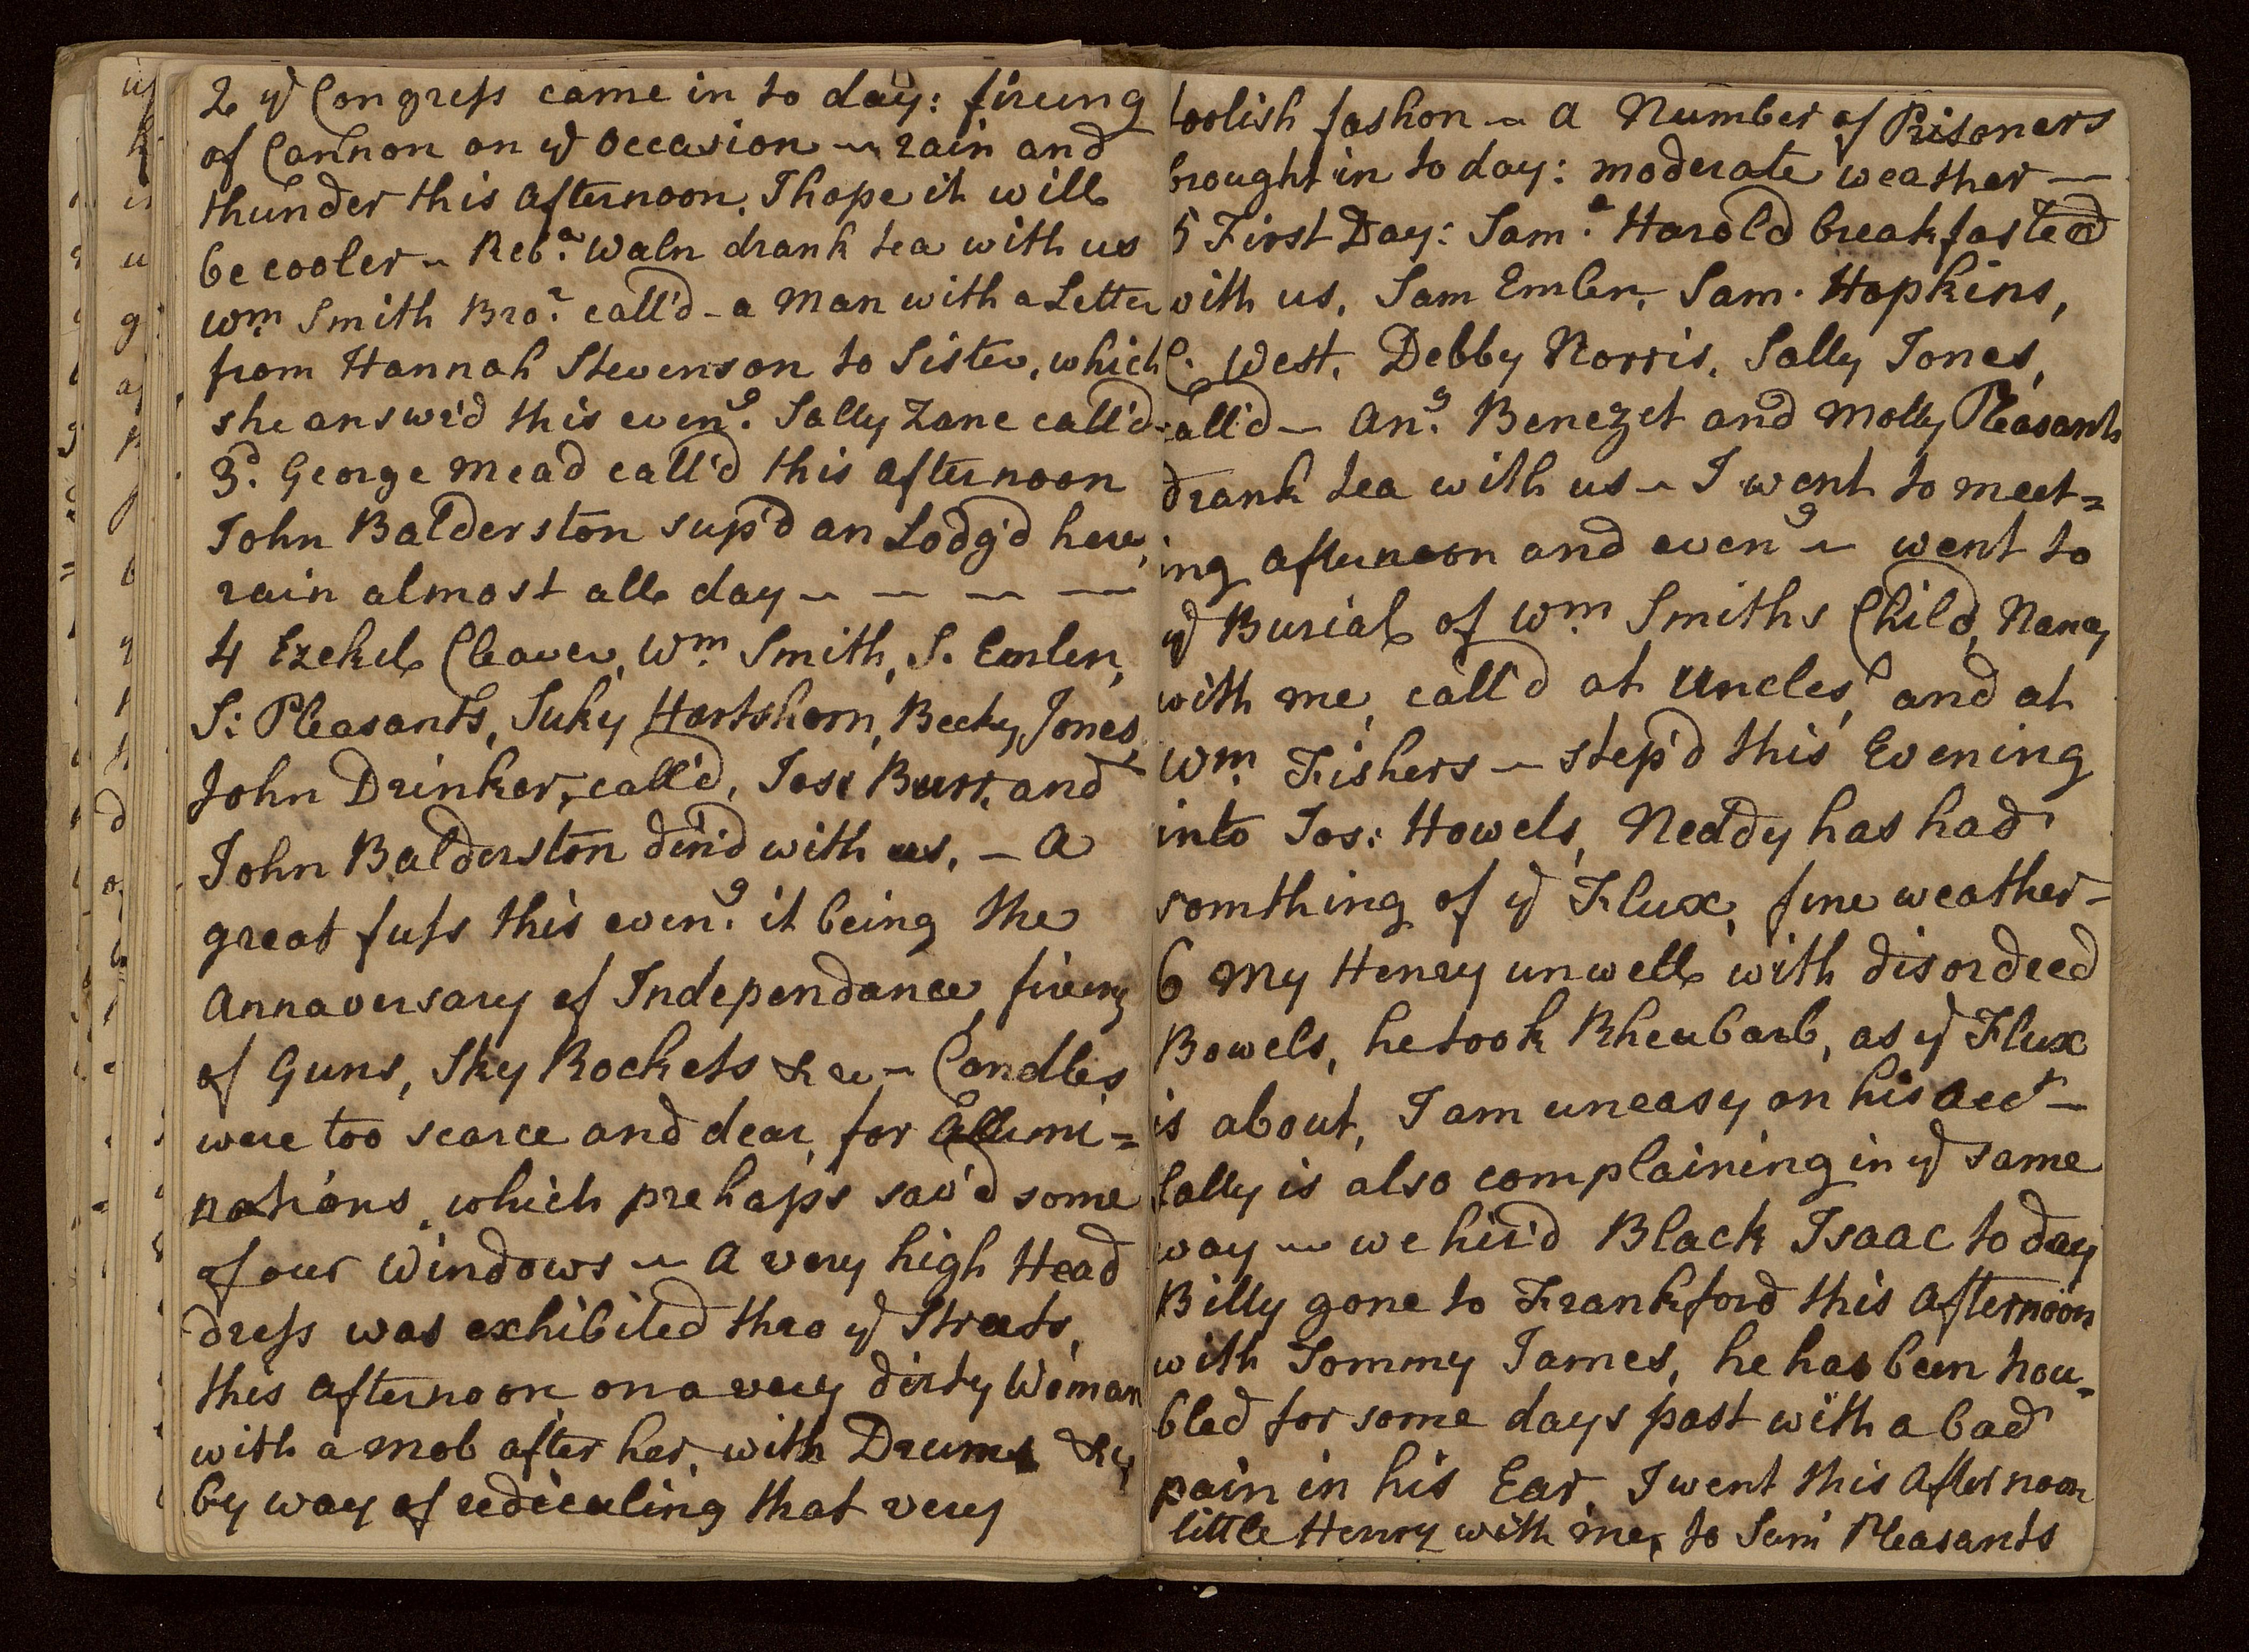2 y^e Congress came in to day: fireing
of Cannon on y^e occasion- rain and
thunder this afternoon. I hope it will
be cooler- Reb^a. Waln drank tea with us
W^m. Smith Bro^r. call'd- a man with a Letter
from Hannah Stevenson to Sister, which
she answr'd this even^g. Sally Zane call'd
3^d. George Mead call'd this afternoon
John Balderston sup'd an Lodg'd here,
rain almost all day-
4 Ezekel Cleaver, W^m. Smith, S. Emlen,
S: Pleasants, Suky Hartshorn, Becky Jones,
John Drinker, call'd, Jos: Burt, and
John Balderston din'd with us,- a
great fuss this even^g. it being the
Annaversary of Independance firing
of Guns, Sky Rochets &c - Candles
were too scarce and dear, for Allumi-
nations, which prehaps sav'd some
of our windows- a very high Head
dress was exhibiled thro y^e Streets,
this afternoon on a very dirty Woman
with a mob after her, with Drums &c
by way of ridiculing that very
foolish fashon- A Number of Prisoners
brought in to day: moderate weather-
5 First Day: Sam^l. Harold breakfasted
with us, Sam Emlen, Sam. Hopkins,
C. West, Debby Norris, Sally Jones,
call'd- An^y. Benezet and Molly Pleasants
drank tea with us- I went to meet-
ing afternoon and even^g- went to
y^e Burial of W^m. Smiths Child, Nancy
with me, call'd at Uncles, and at
W^m. Fishers- step'd this Evening
into Jos: Howels, Neddy has had
somthing of y^e Flux, fine weather-
6 my Henry unwell with disordeed
Bowels, he took Rheubarb, as y^e Flux
is about, I am uneasy on his acc^t-
Sally is also complaining in y^e same
way- we hir'd Black Isaac to day
Billy gone to Frankford this Afternoon
with Tommy James, he has been trou-
-bled for some days past with a bad
pain in his Ear, I went this Afternoon
little Henry with me, to Sam Pleasants